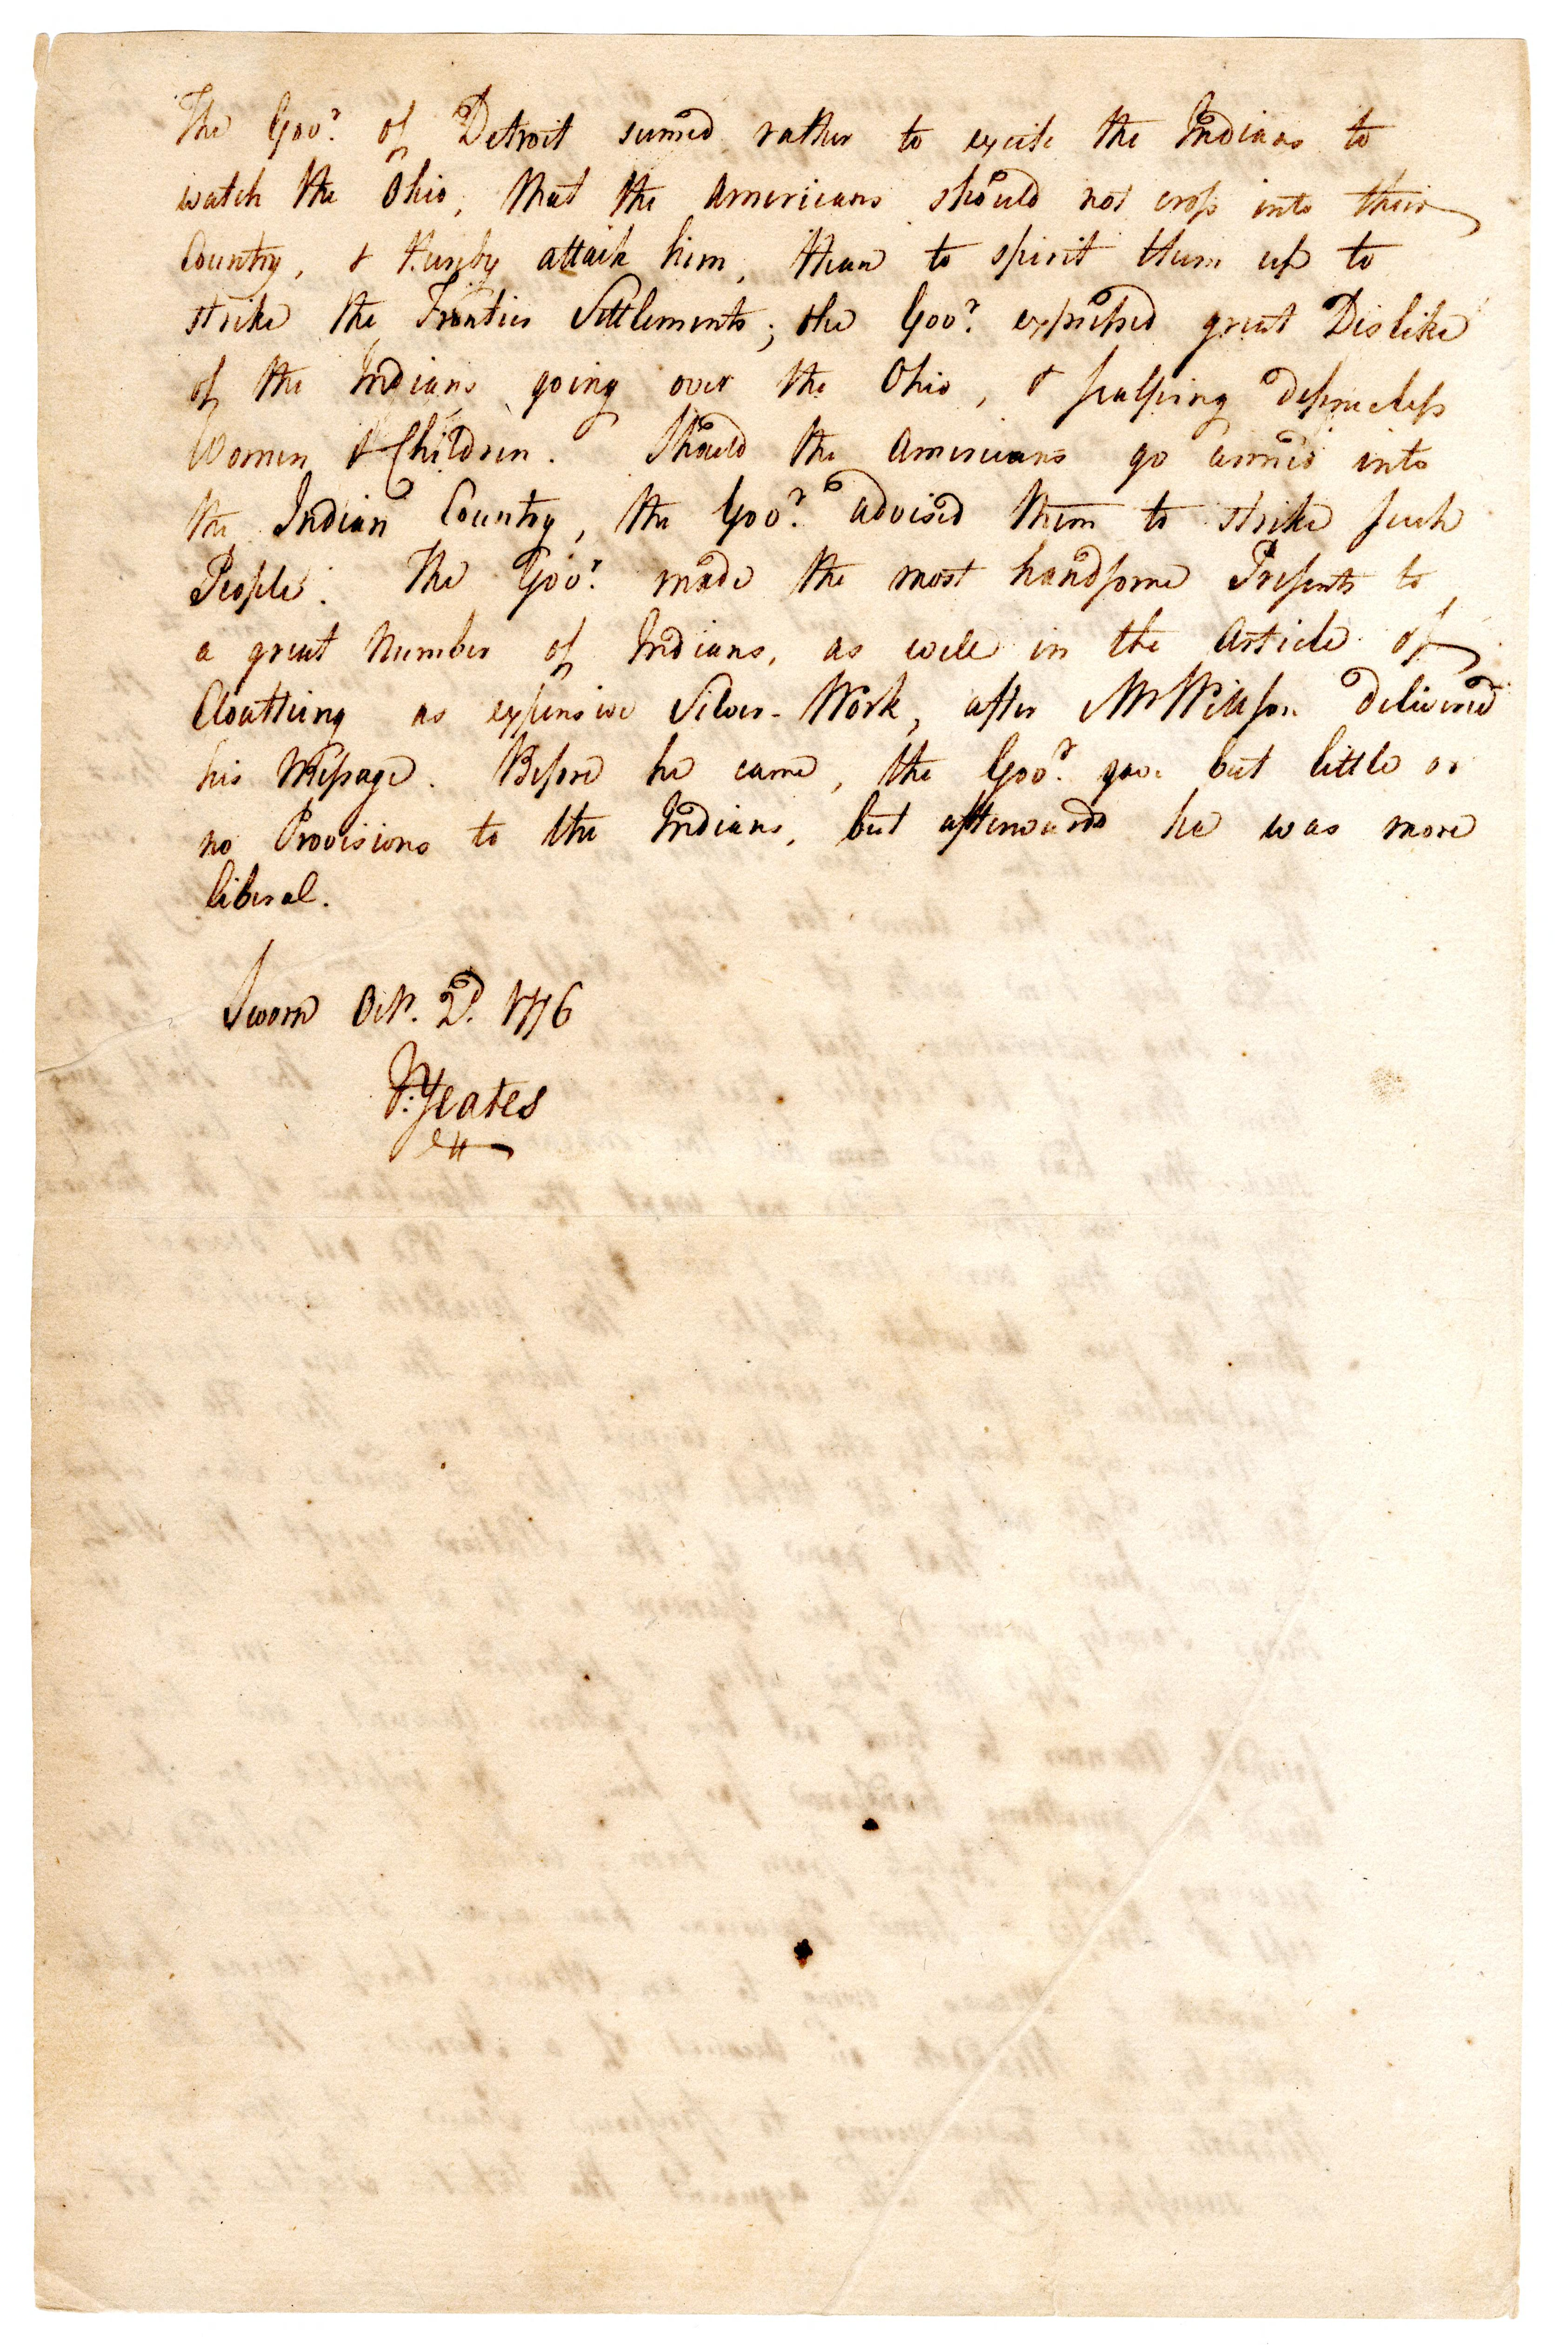The Gov^r. of Detroit seemed rather to excite the Indians to
watch the Ohio, that the Americans should not cross into their
Country, & thusly attack him, than to spirit them up to
strike the Frontier Settlements; the Gov^r. espoused great Dislike
of the Indians going over the Ohio, & passing defenceless
Women & Children. Should the Americans go armed into
the Indian Country, the Gov^r. advised them to strike Such
People. The Gov^r. made the most handsome Presents to
a great Number of Indians, as well in the Article of
Cloathing as expensive Silver-Work, after M^r Willson delivered
his Message. Before he came, the Gov^r. gave but little or
no Provisions to the Indians, but afterwards he was more
liberal.
Sworn Oct. 2^d. 1776
J. Yeates